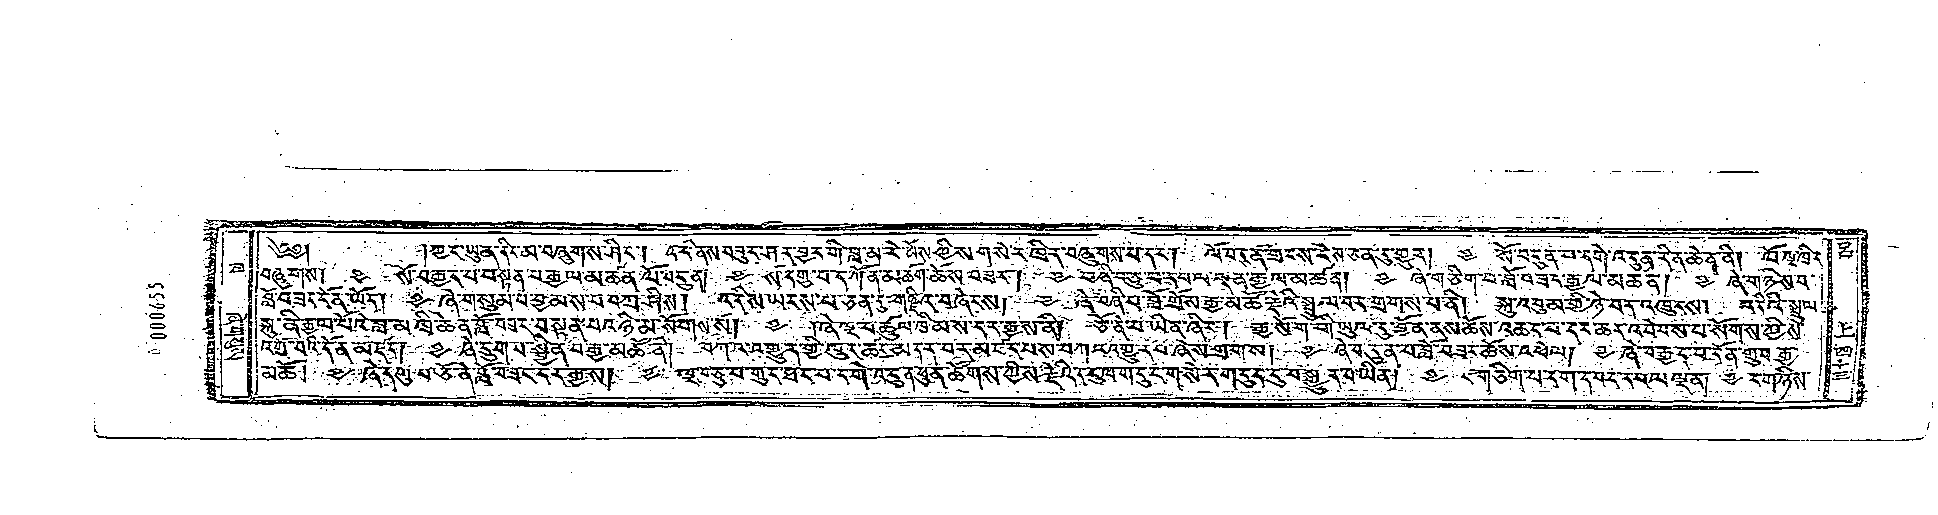༄༅། །ཀྱང་ཡུན་རིང་མ་བཞུགས་ཤིང་། འདི་ནས་བཟུང་ཤར་བྱང་གི་བླ་མ་རེ་མོས་ཀྱིས་གསེར་ཁྲིར་བཞུགས་པ་དང་། ལོ་བདུན་གྲངས་ངེས་ཅན་དུ་གྱུར། ༧་སོ་བདུན་པ་དགེ་འདུན་རིན་ཆེན་ནི། ལོ་ལྔ་ཁྲིར་
བཞུགས། ༧་སོ་བརྒྱད་པ་བསྟན་པ་རྒྱལ་མཚན་ལོ་བདུན། ༧་སོ་དགུ་བ་དཀོན་མཆོག་ཆོས་བཟང་། ༧་བཞི་བཅུ་པ་དཔལ་ལྡན་རྒྱལ་མཚན། ༧་ཞེ་གཅིག་པ་བློ་བཟང་རྒྱལ་མཚན། ༧་ཞེ་གཉིས་པ་
བློ་བཟང་དོན་ཡོད། ༧་ཞེ་གསུམ་པ་བྱམས་པ་བཀྲ་ཤིས། འདིས་ཡངས་པ་ཅན་དུ་གཉིཛའ?་བཞེངས། ༧་ཞེ་བཞི་པ་བློ་གྲོས་རྒྱ་མཚོ་རྗེའི་སྤྲུལ་བར་གྲགས་པ་ནི། སྐུ་འབུམ་གྱི་ཉེ་བར་འཁྲུངས། འདིའི་སྤྲུལ་
སྐུ་ནི་རྒྱལ་པོའི་བླ་མ་ཁྲི་ཆེན་བློ་བཟང་བསྟན་པའི་ཉི་མ་སོགས་སོ། ༧་།ཞེ་ལྔ་པ་ཚུལ་ཁྲིམས་དར་རྒྱས་ནི། ཅོ་ནེ་པ་ཡིན་ཞིང་། རྒྱ་སོག་གི་ཡུལ་དུ་བྱོན་ནས་ཆོས་འཆད་པ་དང་ཆར་འབེབས་པ་སོགས་ཀྱིས་
འགྲོ་བའི་དོན་མཛད། ༧་ཞེ་དགུ་པ་སྤྱིན་པ་རྒྱ་མཚོ་ནི། བཀའ་འགྱུར་གྱི་ལུང་ཚང་མ་དར་བར་མཛད་པས་བཀའ་འགྱུར་པ་ཞེས་གྲགས། ༧་ཞེ་བདུན་པ་བློ་བཟང་ཆོས་འཕེལ། ༧་ཞེ་བརྒྱད་པ་དོན་གྲུབ་རྒྱ་
མཚོ། ༧་ཞེ་དགུ་པ་ཅོ་ནེ་བློ་བཟང་དར་རྒྱས། ༧་ལྔ་བཅུ་པ་གུང་ཐང་པ་དགེ་འདུན་ཕུན་ཚོགས་ཀྱིས་རྗེའི་དངུལ་གདུང་གསེར་གདུང་དུ་བསྒྱུར་བ་ཡིན། ༧་ང་གཅིག་པ་ངག་དབང་དཔལ་ལྡན། ༧་ང་གཉིས་